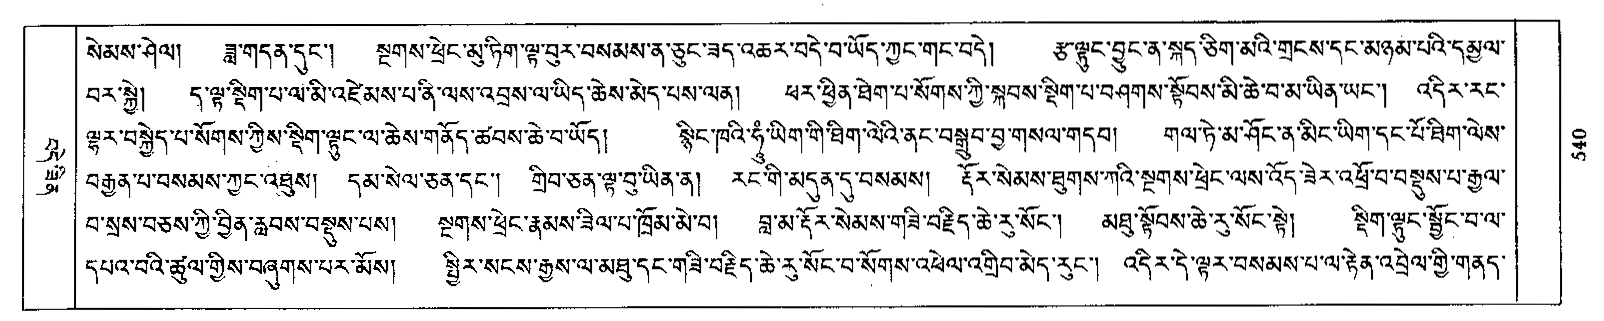སེམས་ཤེལ། ཟླ་གདན་དུང་། སྔགས་ཕྲེང་མུ་ཏིག་ལྟ་བུར་བསམས་ན་ཅུང་ཟད་འཆར་བདེ་བ་ཡོད་ཀྱང་གང་བདེ། རྩ་ལྟུང་བྱུང་ན་སྐད་ཅིག་མའི་གྲངས་དང་མཉམ་པའི་དམྱལ་
བར་སྐྱེ། ད་ལྟ་སྡིག་པ་ལ་མི་འཛེམས་པ་ནི་ལས་འབྲས་ལ་ཡིད་ཆེས་མེད་པས་ལན། ཕར་ཕྱིན་ཐེག་པ་སོགས་ཀྱི་སྐབས་སྡིག་པ་བཤགས་སྟོབས་མི་ཆེ་བ་མ་ཡིན་ཡང་། འདིར་རང་
ལྷར་བསྐྱེད་པ་སོགས་ཀྱིས་སྡིག་ལྟུང་ལ་ཆེས་གནོད་ཚབས་ཆེ་བ་ཡོད། སྙིང་ཁའི་ཧཱུཾ་ཡིག་གི་ཐིག་ལེའི་ནང་བསྒྲུབ་བྱ་གསལ་གདབ། གལ་ཏེ་མ་ཤོང་ན་མིང་ཡིག་དང་པོ་ཐིག་ལེས་
བརྒྱན་པ་བསམས་ཀྱང་འཐུས། དམ་སེལ་ཅན་དང་། གྲིབ་ཅན་ལྟ་བུ་ཡིན་ན། རང་གི་མདུན་དུ་བསམས། རྡོར་སེམས་ཐུགས་ཀའི་སྔགས་ཕྲེང་ལས་འོད་ཟེར་འཕྲོ་བ་བསྡུས་པ་རྒྱལ་
བ་སྲས་བཅས་ཀྱི་བྱིན་རླབས་བསྡུས་པས། སྔགས་ཕྲེང་རྣམས་ཟིལ་པ་ཁྲོམ་མེ་བ། བླ་མ་རྡོར་སེམས་གཟི་བརྗིད་ཆེ་རུ་སོང་། མཐུ་སྟོབས་ཆེ་རུ་སོང་སྟེ། སྡིག་ལྟུང་སྦྱོང་བ་ལ་
དཔའ་བའི་ཚུལ་གྱིས་བཞུགས་པར་མོས། སྤྱིར་སངས་རྒྱས་ལ་མཐུ་དང་གཟི་བརྗིད་ཆེ་རུ་སོང་བ་སོགས་འཕེལ་འགྲིབ་མེད་རུང་། འདིར་དེ་ལྟར་བསམས་པ་ལ་རྟེན་འབྲེལ་གྱི་གནད་